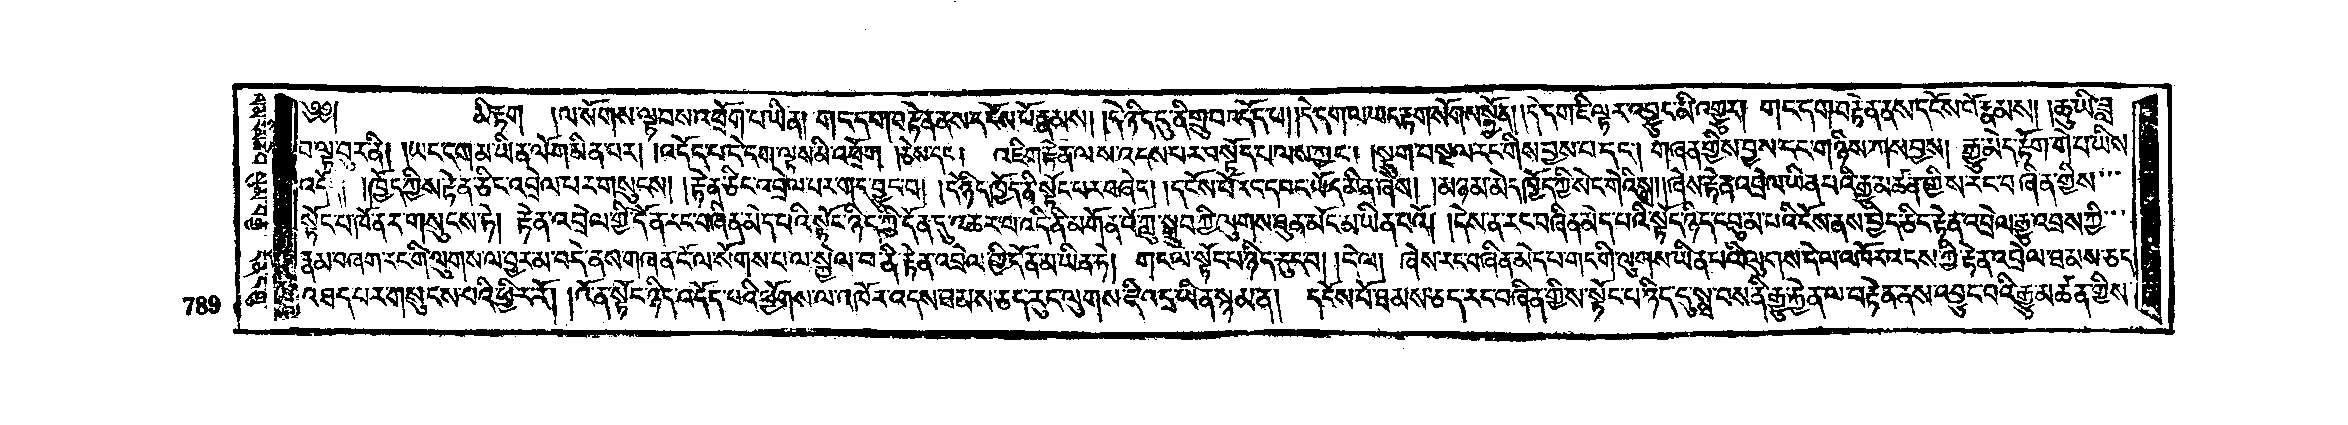༄༅། །མི་རྟག །ལ་སོགས་ལྟ་བས་འཕྲོག་པ་ཡིན། །གང་དག་བརྟེན་ནས་དངོས་པོ་རྣམས། །དེ་ཉིད་དུ་ནི་གྲུབ་འདོད་པ། །དེ་དག་ལ་ཡང་རྟག་སོགས་སྐྱོན། །དེ་དག་ཇི་ལྟར་འབྱུང་མི་འགྱུར། །གང་དག་བརྟེན་ནས་དངོས་པོ་རྣམས། །ཆུ་ཡི་ཟླ་
བ་ལྟ་བུར་ནི། །ཡང་དག་མ་ཡིན་ལོག་མིན་པར། །འདོད་པ་དེ་དག་ལྟས་མི་འཕྲོག །ཅེས་དང་། འཇིག་རྟེན་ལས་འདས་པར་བསྟོད་པ་ལས་ཀྱང་། །སྡུག་བསྔལ་རང་གིས་བྱས་པ་དང་། །གཞན་གྱིས་བྱས་དང་གཉིས་ཀས་བྱས། །རྒྱུ་མེད་རྟོག་གེ་པ་ཡིས་
འདོད། །ཁྱོད་ཀྱིས་རྟེན་ཅིང་འབྲེལ་བར་གསུངས། །རྟེན་ཅིང་འབྲེལ་བར་གང་བྱུང་བ། །དེ་ཉིད་ཁྱོད་ནི་སྟོང་པར་བཞེད། །དངོས་པོ་རང་དབང་ཡོད་མིན་ཞེས། །མཉམ་མེད་ཁྱོད་ཀྱི་སེང་གེའི་སྒྲ། །ཞེས་རྟེན་འབྲེལ་ཡིན་པའི་རྒྱུ་མཚན་གྱིས་རང་བཞིན་གྱིས་
སྟོང་པ་ཁོ་ནར་གསུངས་ཏེ། རྟེན་འབྲེལ་གྱི་དོན་རང་བཞིན་མེད་པའི་སྟོང་ཉིད་ཀྱི་དོན་དུ་འཆར་བ་འདི་ནི་མགོན་པོ་ཀླུ་སྒྲུབ་ཀྱི་ལུགས་ཐུན་མོང་མ་ཡིན་པའོ། །དེས་ན་རང་བཞིན་མེད་པའི་སྟོང་ཉིད་དབུ་མ་པའི་ངོས་ནས་བྱེད་ཅིང་རྟེན་འབྲེལ་རྒྱུ་འབྲས་ཀྱི་
རྣམ་གཞག་རང་གི་ལུགས་ལ་བྱར་མ་བདེ་ནས་གཞན་ངོ་ལ་སོགས་པ་ལ་སྐྱེལ་བ་ནི་རྟེན་འབྲེལ་གྱི་དོན་མ་ཡིན་ཏེ། གང་ལ་སྟོང་པ་ཉིད་རུང་བ། །དེ་ལ། ཞེས་རང་བཞིན་མེད་པ་གང་གི་ལུགས་ཡིན་པའི་ལུགས་དེ་ལ་འཁོར་འདས་ཀྱི་རྟེན་འབྲེལ་ཐམས་ཅད་
འཐད་པར་གསུངས་པའི་ཕྱིར་རོ། །འོ་ན་སྟོང་ཉིད་འདོད་པའི་ཕྱོགས་ལ་འཁོར་འདས་ཐམས་ཅད་རུང་ལུགས་ཇི་འདྲ་ཡིན་སྙམ་ན། དངོས་པོ་ཐམས་ཅད་རང་བཞིན་གྱིས་སྟོང་པ་ཉིད་དུ་སྨྲ་བས་ནི་རྒྱུ་རྐྱེན་ལ་བརྟེན་ནས་འབྱུང་བའི་རྒྱུ་མཚན་གྱིས་